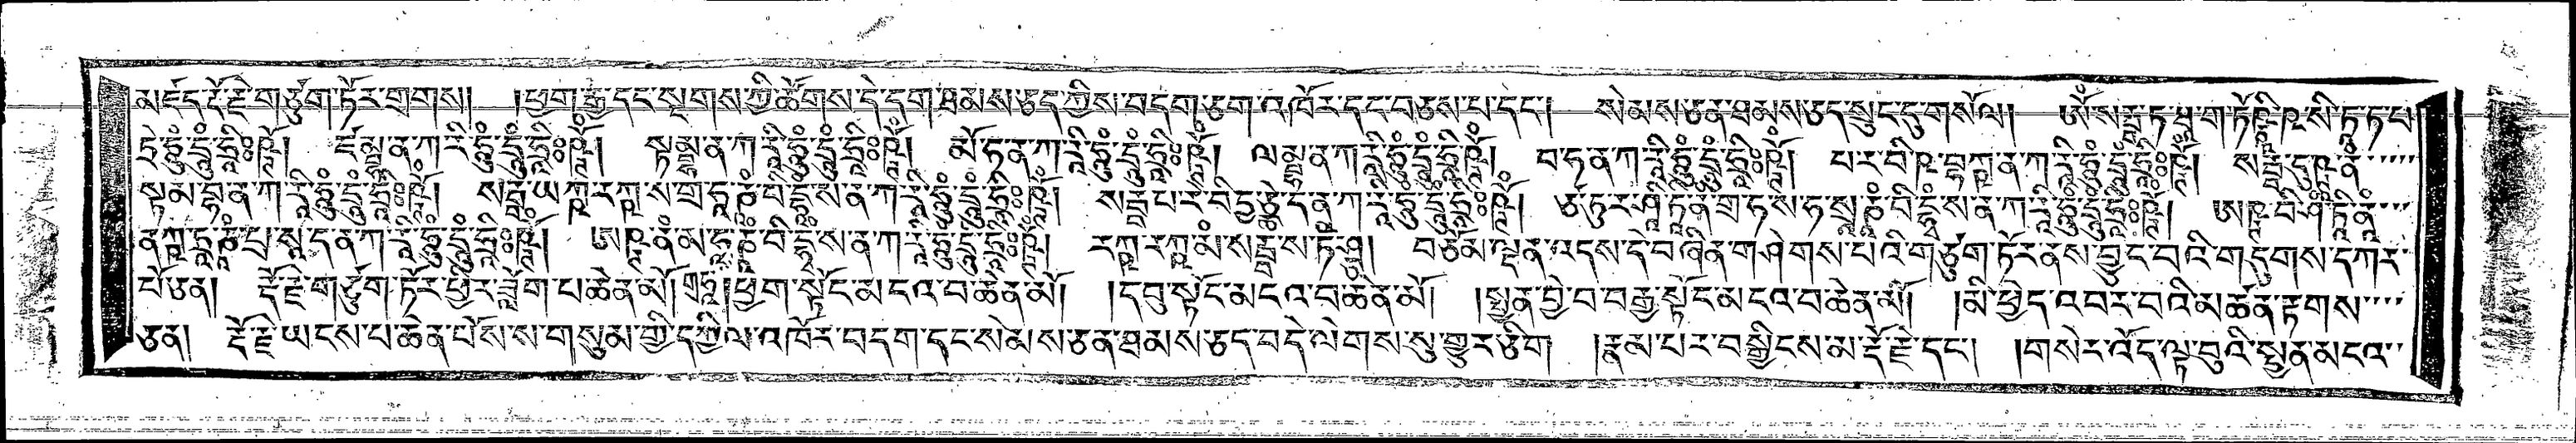མཛད་རྡོ་རྗེ་གཙུག་ཏོར་གྲགས། །ཕྱག་རྒྱ་དང་སྔགས་ཀྱི་ཚོགས་དེ་དག་ཐམས་ཅད་ཀྱིས་བདག་ཅག་འཁོར་དང་བཅས་པ་དང་། སེམས་ཅན་ཐམས་ཅད་སྲུང་དུ་གསོལ། ཨོཾ་སརྦ་ཏ་ཐཱ་ག་ཏོཥྞཱི་ཥ་སི་ཏཱ་ཏ་པ་
ཏྲེ་ཧཱུཾ་དྲཱུཾ་ཧྲཱིཿ ཥྚོ། ཛམྦྷ་ན་ཀ་རི་ཧཱུཾ་དྲཱུཾ་ཧྲཱིཿ ཥྚོཾ། སྟམྦྷ་ན་ཀ་རཱི་ཧཱུཾ་དྲཱུཾ་ཧྲཱིཿ ཥྚོཾ། མོ་ཧ་ན་ཀ་རཱི་ཧཱུཾ་དྲཱུཾ་ཧྲཱིཿ ཥྚོཾ། ལམྦྷ་ན་ཀ་རཱི་ཧཱུཾ་དྲཱུཾ་ཧྲཱིཿ ཥྚོཾ། བ་ཧ་ན་ཀ་རཱི་ཧཱུཾ་དྲཱུཾ་ཧྲཱིཿ ཥྚོཾ། པ་ར་བི་ཥ་བྷཀྵ་ན་ཀ་རཱི་ཧཱུཾ་དྲཱུཾ་ཧྲཱིཿ ཥྚོཾ། སརྦྦ་དུ་ཥྚཱ་ནཾ་
སྟམ་བྷ་ན་ཀ་རཱི་ཧཱུཾ་དྲཱུཾ་ཧྲཱིཿ ཥྚོཾ། སརྦྦ་ཡཀྵ་རཀྵ་ས་གྲ་ཧཱ་ཎཱཾ་པི་དྷཱཾ་ས་ན་ཀ་རཱི་ཧཱུཾ་དྲཱུཾ་ཧྲཱིཿ ཥྚོཾ། སརྦྦ་པ་རི་བིདྱ་ཅྪེ་ད་ནཱ་ཀ་རཱི་ཧཱུཾ་དྲཱུཾ་ཧྲཱིཿ ཥྚོཾ། ཙ་ཏུ་ར་ཤཱི་ཏཱི་ནཾ་གྲ་ཧ་ས་ཧ་སྲཱ་ཎཱཾ་བི་དྷྭཾ་ས་ན་ཀ་རཱི་ཧཱུཾ་དྲཱུཾ་ཧྲཱིཿ ཥྚོཾ། ཨཥྚ་བི་ཤཾ་ཏཱི་ནཱཾ་
ནཀྵ་ཏྲཱ་ཎཱཾ་པྲ་སཱ་ད་ན་ཀ་རཱི་ཧཱུཾ་དྲཱུཾ་ཧྲཱིཿ ཥྚོཾ། ཨཥྚ་ནཾ་མ་ཧཱ་གྲ་ཧཱ་ཎཱཾ་བི་དྷྭཾ་ས་ན་ཀ་རཱི་ཧཱུཾ་དྲཱུཾ་ཧྲཱིཿ ཥྚོཾ། རཀྵ་རཀྵ་མཾ་སརྦྦ་ས་ཏོ་ཤྕ། བཅོམ་ལྡན་འདས་དེ་བཞིན་གཤེགས་པའི་གཙུག་ཏོར་ནས་བྱུང་བའི་གདུགས་དཀར་
པོ་ཅན། རྡོ་རྗེ་གཙུག་ཏོར་ཕྱིར་ཟློག་པ་ཆེན་མོ། །ཕྱག་སྟོང་མངའ་བ་ཆེན་མོ། །དབུ་སྟོང་མངའ་བ་ཆེན་མོ། །སྤྱན་བྱེ་བ་བརྒྱ་སྟོང་མངའ་བ་ཆེན་མོ། །མི་ཕྱེད་འབར་བའི་མཚན་རྟགས་
ཅན། རྡོ་རྗེ་ཡངས་པ་ཆེན་པོས་ས་གསུམ་གྱི་དཀྱིལ་འཁོར་བདག་དང་སེམས་ཅན་ཐམས་ཅད་བདེ་ལེགས་སུ་གྱུར་ཅིག །རྣམ་པར་བསྒྱིངས་མ་རྡོ་རྗེ་དང་། །གསེར་འོད་ལྟ་བུའི་སྤྱན་མངའ་